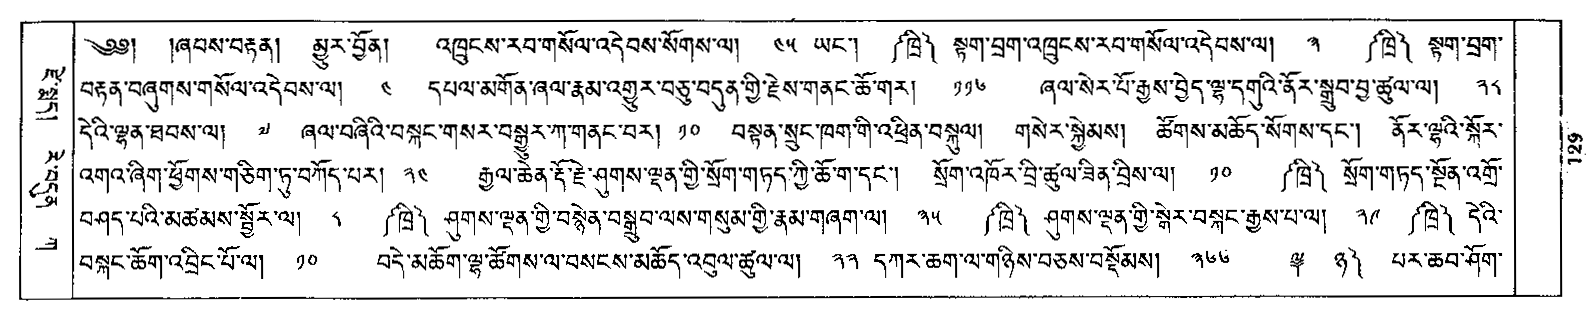༄༅། །ཞབས་བརྟན། མྱུར་བྱོན། འཁྲུངས་རབ་གསོལ་འདེབས་སོགས་ལ། ༤༥་ཡང་། ༼ཁྲ྄ི་སྟག་བྲག་འཁྲུངས་རབ་གསོལ་འདེབས་ལ། ༣་༽ཁྲ྄ི་སྟག་བྲག་
བརྟན་བཞུགས་གསོལ་འདེབས་ལ། ༤་དཔལ་མགོན་ཞལ་རྣམ་འགྱུར་བཅུ་བདུན་གྱི་རྗེས་གནང་ཆོ་གར། ༡༡༦་ཞལ་སེར་པོ་རྒྱས་བྱེད་ལྷ་དགུའི་ནོར་སྒྲུབ་བྱ་ཚུལ་ལ། ༢༨
དེའི་ལྷན་ཐབས་ལ། ༧་ཞལ་བཞིའི་བསྐང་གསར་བསྒྱུར་ཀ་གནང་བར། ༡༠་བསྟན་སྲུང་ཁག་གི་འཕྲིན་བསྐུལ། གསེར་སྐྱེམས། ཚོགས་མཆོད་སོགས་དང་། ནོར་ལྷའི་སྐོར་
འགའ་ཞིག་ཕྱོགས་གཅིག་ཏུ་བཀོད་པར། ༢༤་རྒྱལ་ཆེན་རྡོ་རྗེ་ཤུགས་ལྡན་གྱི་སྲོག་གཏད་ཀྱི་ཆོ་ག་དང་། སྲོག་འཁོར་བྲི་ཚུལ་ཟིན་བྲིས་ལ། ༡༠་ཁྲ྄ི་སྲོག་གཏད་སྔོན་འགྲོ་
བཤད་པའི་མཚམས་སྦྱོར་ལ། ༨ ༼ཁྲ྄ི་ཤུགས་ལྡན་གྱི་བསྙེན་བསྒྲུབ་ལས་གསུམ་གྱི་རྣམ་གཞག་ལ། ༣༥་༽ཁྲ྄ི་ཤུགས་ལྡན་གྱི་སྒེར་བསྐང་རྒྱས་པ་ལ། ༢༩་ཁྲ྄ི་དེའི་
བསྐང་ཆོག་འབྲིང་པོ་ལ། ༡༠་བདེ་མཆོག་ལྷ་ཚོགས་ལ་བསངས་མཆོད་འབུལ་ཚུལ་ལ། ༢༢་དཀར་ཆག་ལ་གཉིས་བཅས་བསྡོམས། ༣༦༦་༈ ཉ྄་པར་ཆབ་ཤོག་